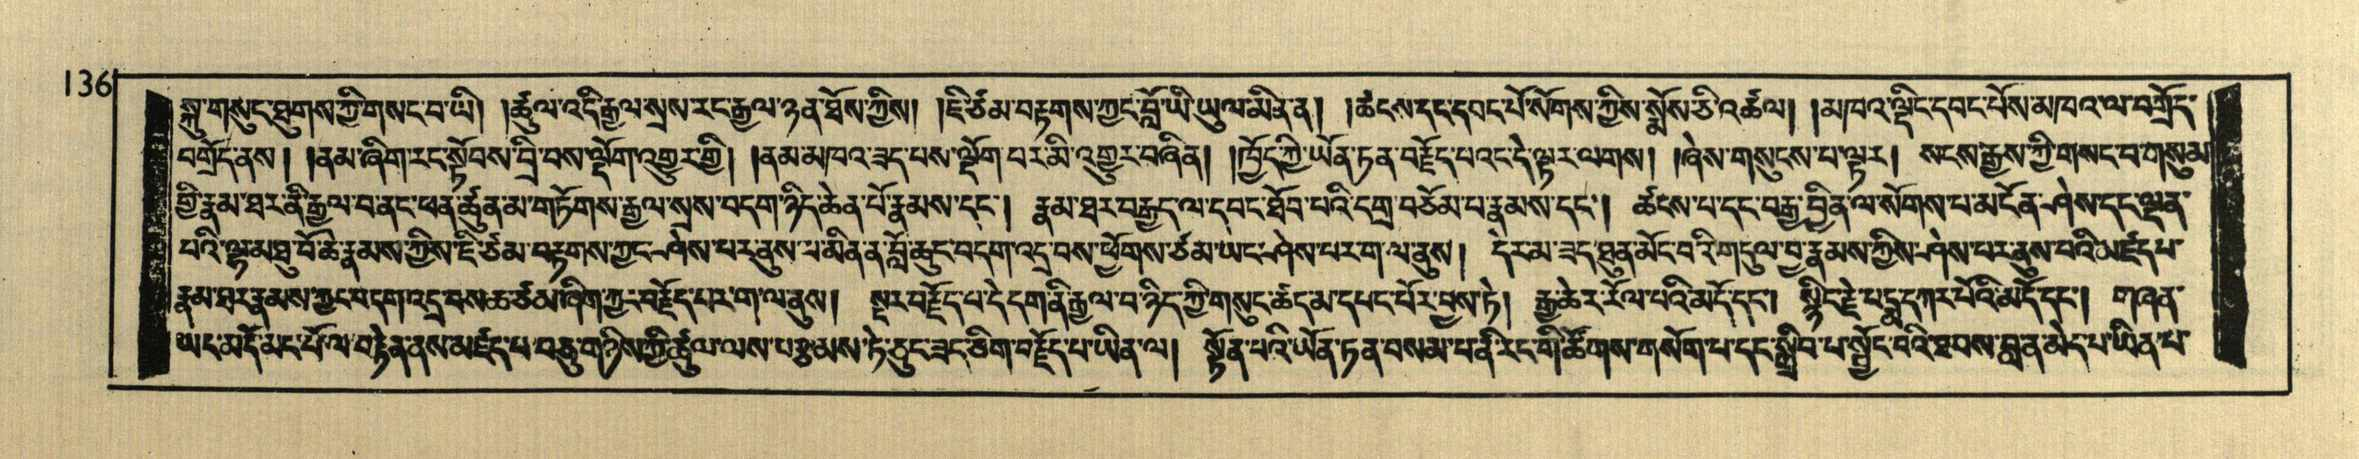སྐུ་གསུང་ཐུགས་ཀྱི་གསང་བ་ཡི། །ཚུལ་འདི་རྒྱལ་སྲས་རང་རྒྱལ་ཉན་ཐོས་ཀྱིས། །ཇི་ཙམ་བརྟགས་ཀྱང་བློ་ཡི་ཡུལ་མིན་ན། །ཚངས་དང་དབང་པོ་སོགས་ཀྱིས་སྨོས་ཅི་འཚལ། །མཁའ་ལྡིང་དབང་པོས་མཁའ་ལ་བགྲོད་
བགྲོད་ནས། །ནམ་ཞིག་རང་སྟོབས་བྲི་བས་ལྡོག་འགྱུར་གྱི། །ནམ་མཁའ་ཟད་པས་ལྡོག་པར་མི་འགྱུར་བཞིན། །ཁྱོད་ཀྱི་ཡོན་ཏན་བརྗོད་པའང་དེ་ལྟར་ལགས། །ཞེས་གསུངས་པ་ལྟར། སངས་རྒྱས་ཀྱི་གསང་བ་གསུམ་
གྱི་རྣམ་ཐར་ནི་རྒྱལ་བ་ནང་ཕན་ཚུན་མ་གཏོགས་རྒྱལ་སྲས་བདག་ཉིད་ཆེན་པོ་རྣམས་དང་། རྣམ་ཐར་བརྒྱད་ལ་དབང་ཐོབ་པའི་དགྲ་བཅོམ་པ་རྣམས་དང་། ཚངས་པ་དང་བརྒྱ་བྱིན་ལ་སོགས་པ་མངོན་ཤེས་དང་ལྡན་
པའི་ལྷ་མཐུ་བོ་ཆེ་རྣམས་ཀྱིས་ཇི་ཙམ་བརྟགས་ཀྱང་ཤེས་པར་ནུས་པ་མིན་ན་བློ་ཆུང་བདག་འདྲ་བས་ཕྱོགས་ཙམ་ཡང་ཤེས་པར་ག་ལ་ནུས། དེར་མ་ཟད་ཐུན་མོང་བའི་གདུལ་བྱ་རྣམས་ཀྱིས་ཤེས་པར་ནུས་པའི་མཛད་པ་
རྣམ་ཐར་རྣམས་ཀྱང་བདག་འདྲ་བས་ཆ་ཙམ་ཞིག་ཀྱང་བརྗོད་པར་ག་ལ་ནུས། སྔར་བརྗོད་པ་དེ་དག་ནི་རྒྱལ་བ་ཉིད་ཀྱི་གསུང་ཚད་མ་དབང་པོར་བྱས་ཏེ། རྒྱ་ཆེར་རོལ་པའི་མདོ་དང་། སྙིང་རྗེ་པདམ་དཀར་པོའི་མདོ་དང་། གཞན་
ཡང་མདོ་མང་པོ་ལ་བརྟེན་ནས་མཛད་པ་བཅུ་གཉིས་ཀྱི་ཚུལ་ལས་བརྩམས་ཏེ་ཅུང་ཟད་ཅིག་བརྗོད་པ་ཡིན་ལ། སྟོན་པའི་ཡོན་ཏན་བསམ་པ་ནི་རང་གི་ཚོགས་གསོག་པ་དང་སྒྲིབ་པ་སྦྱོང་བའི་ཐབས་བླ་ན་མེད་པ་ཡིན་པ་